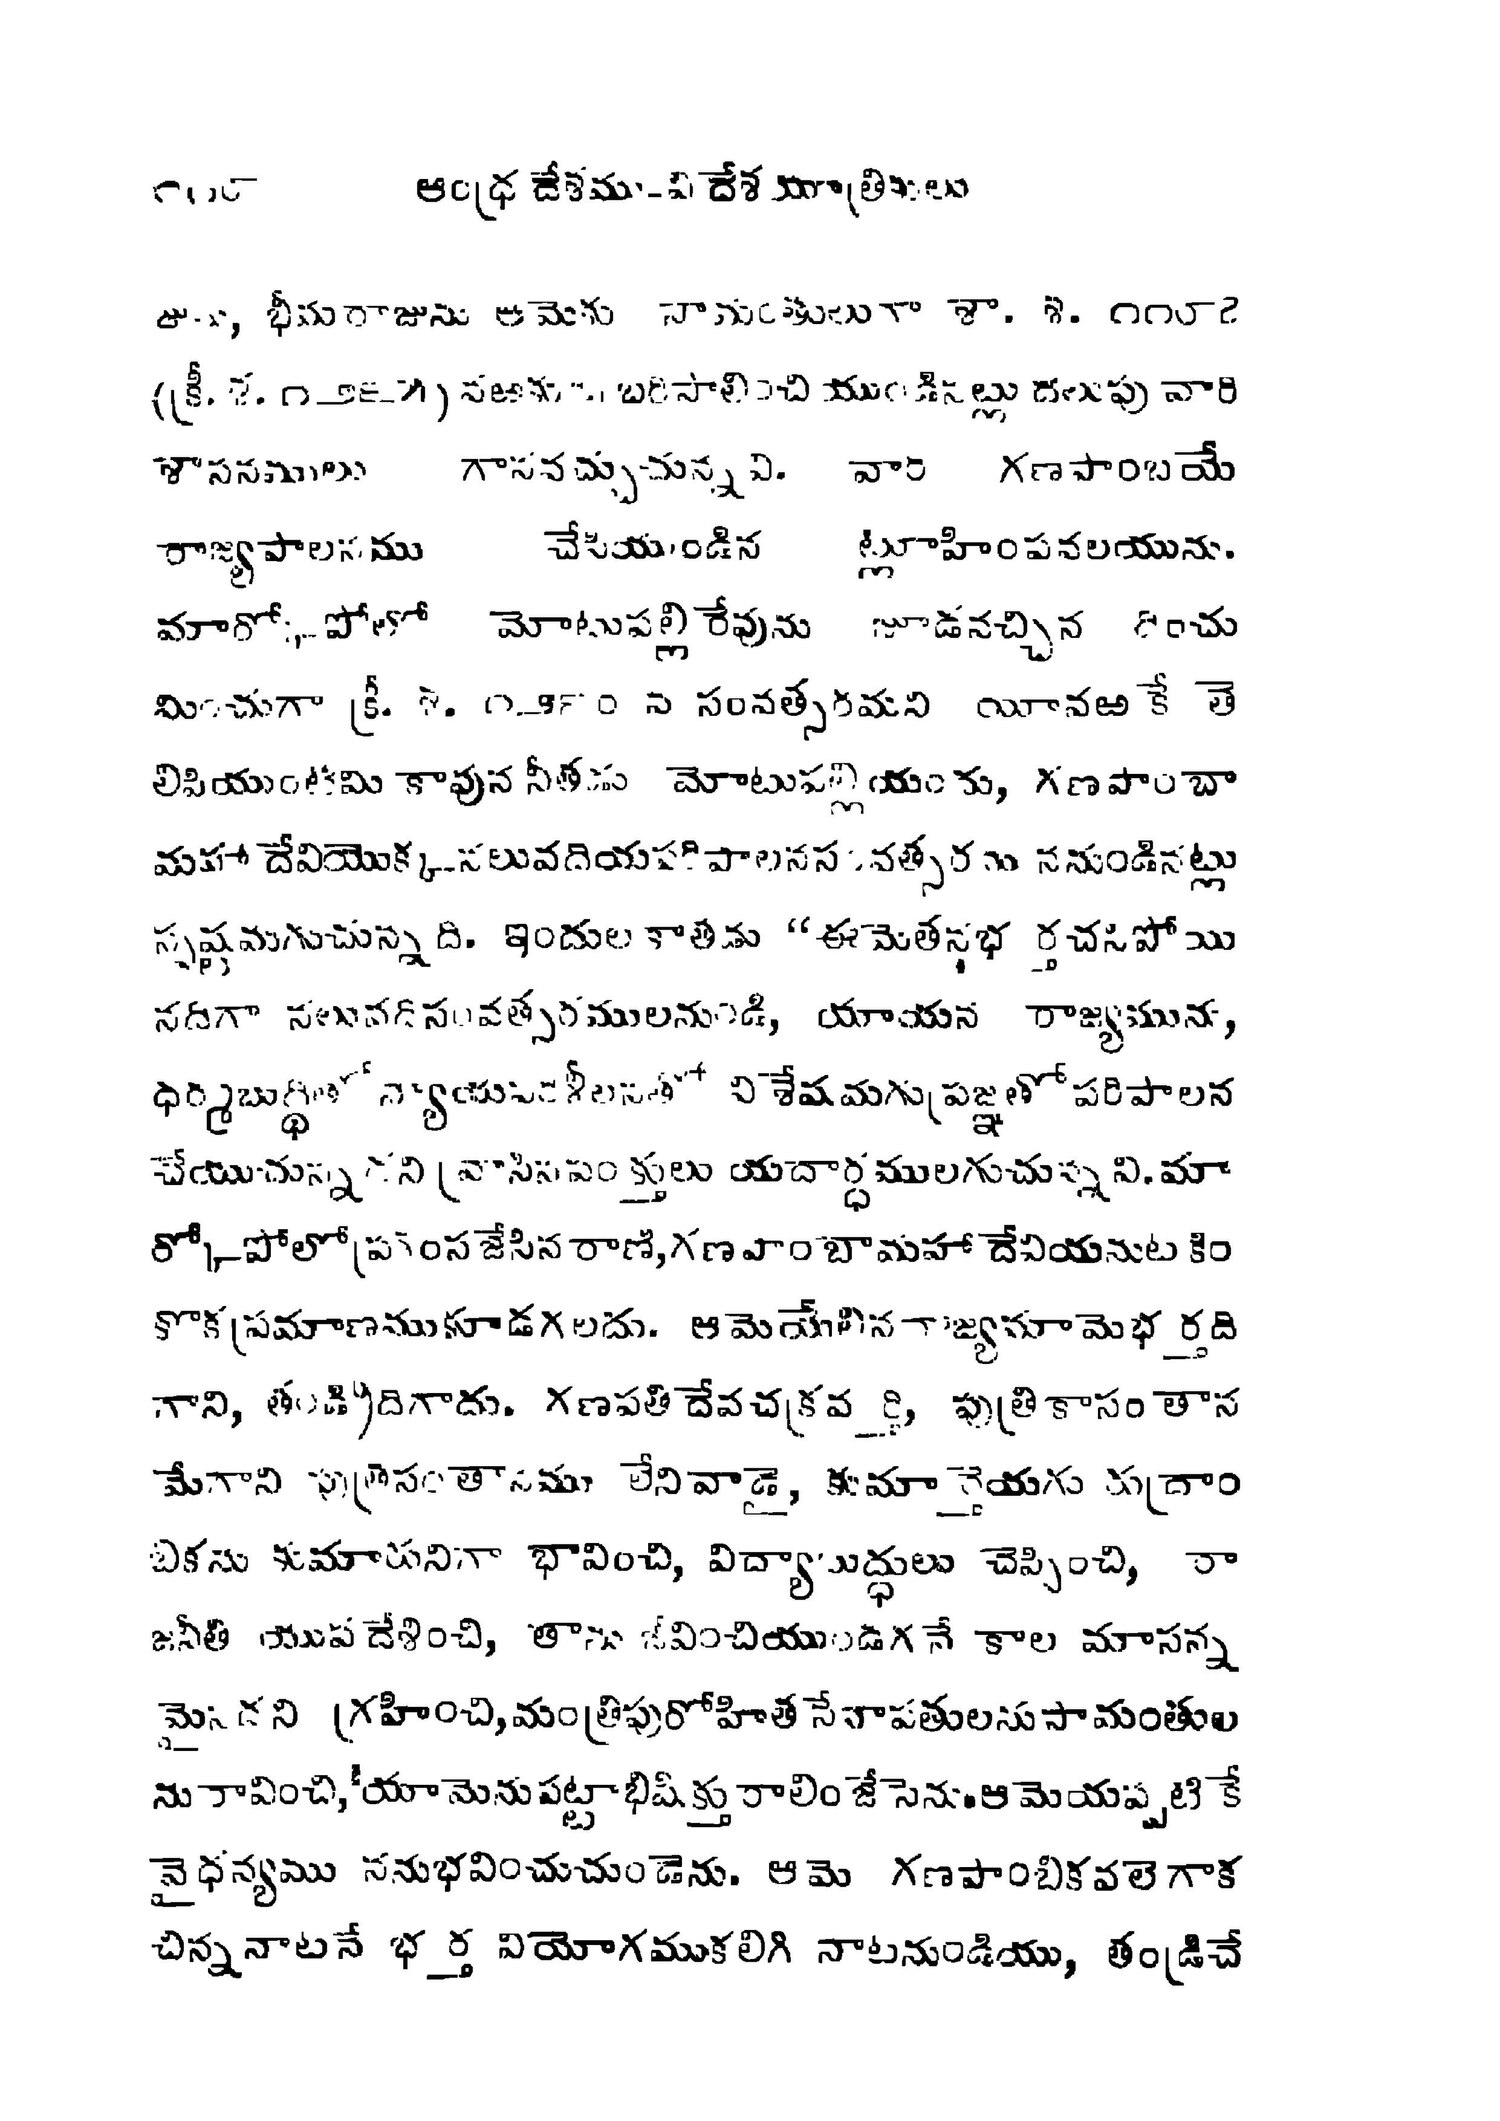జులు, భీమరాజును ఆమెకు సామంతులుగా శా. శ. 1187 (క్రీ. శ. 1265) వఱకును బరిపాలించి యుండినట్లు దెలుపు వారి శాసనములు గానవచ్చుచున్నవి. వారి గణపాంబయే రాజ్యపాలనము చేసియుండిన ట్లూహింపవలయును. మార్కోపోలో మోటుపల్లిరేవును జూడవచ్చిన దించుమించుగా క్రీ. శ. 1290 వ సంవత్సరమని యీవఱకే తెలిపియుంటిమి కావున నీతడు మోటుపల్లియందు, గణపాంబా మహాదేవియొక్క నలువదియ పరిపాలన సంవత్సరమున నుండినట్లు స్పష్టమగుచున్నది. ఇందుల కాతడు "ఈమె తనభర్త చనిపోయినదిగా నలువదిసంవత్సరములనుండి, యాయన రాజ్యమును, ధర్మబుద్ధితో న్యాయపరిశీలనతో విశేషమగు ప్రజ్ఞతో పరిపాలన చేయుచున్నదని వ్రాసినపంక్తులు యదార్థములగు చున్నవి. మార్కోపోలో ప్రశంసజేసినరాణి, గణపాంబామహాదేవియనుట కింకొక ప్రమాణము కూడగలదు. ఆమెయేలిన రాజ్యమామెభర్తదిగాని, తండ్రిదిగాదు. గణపతిదేవచక్రవర్తి, పుత్రికాసంతానమేగాని పుత్రసంతానము లేనివాడై, కుమార్తెయగు రుద్రాంబికను కుమారునిగా భావించి, విద్యాబుద్ధులు చెప్పించి, రాజనీతి యుపదేశించి, తాను జీవించియుండగనే కాల మాసన్నమైనదని గ్రహించి, మంత్రిపురోహిత సేనాపతులను సామంతులను రావించి, యామెను పట్టాభిషిక్తురాలింజేసెను. ఆమె యప్పటికే వైధవ్యము ననుభవించుచుండెను. ఆమె గణపాంబిక వలెగాక చిన్ననాటనే భర్త వియోగముకలిగి నాటనుండియు, తండ్రిచే